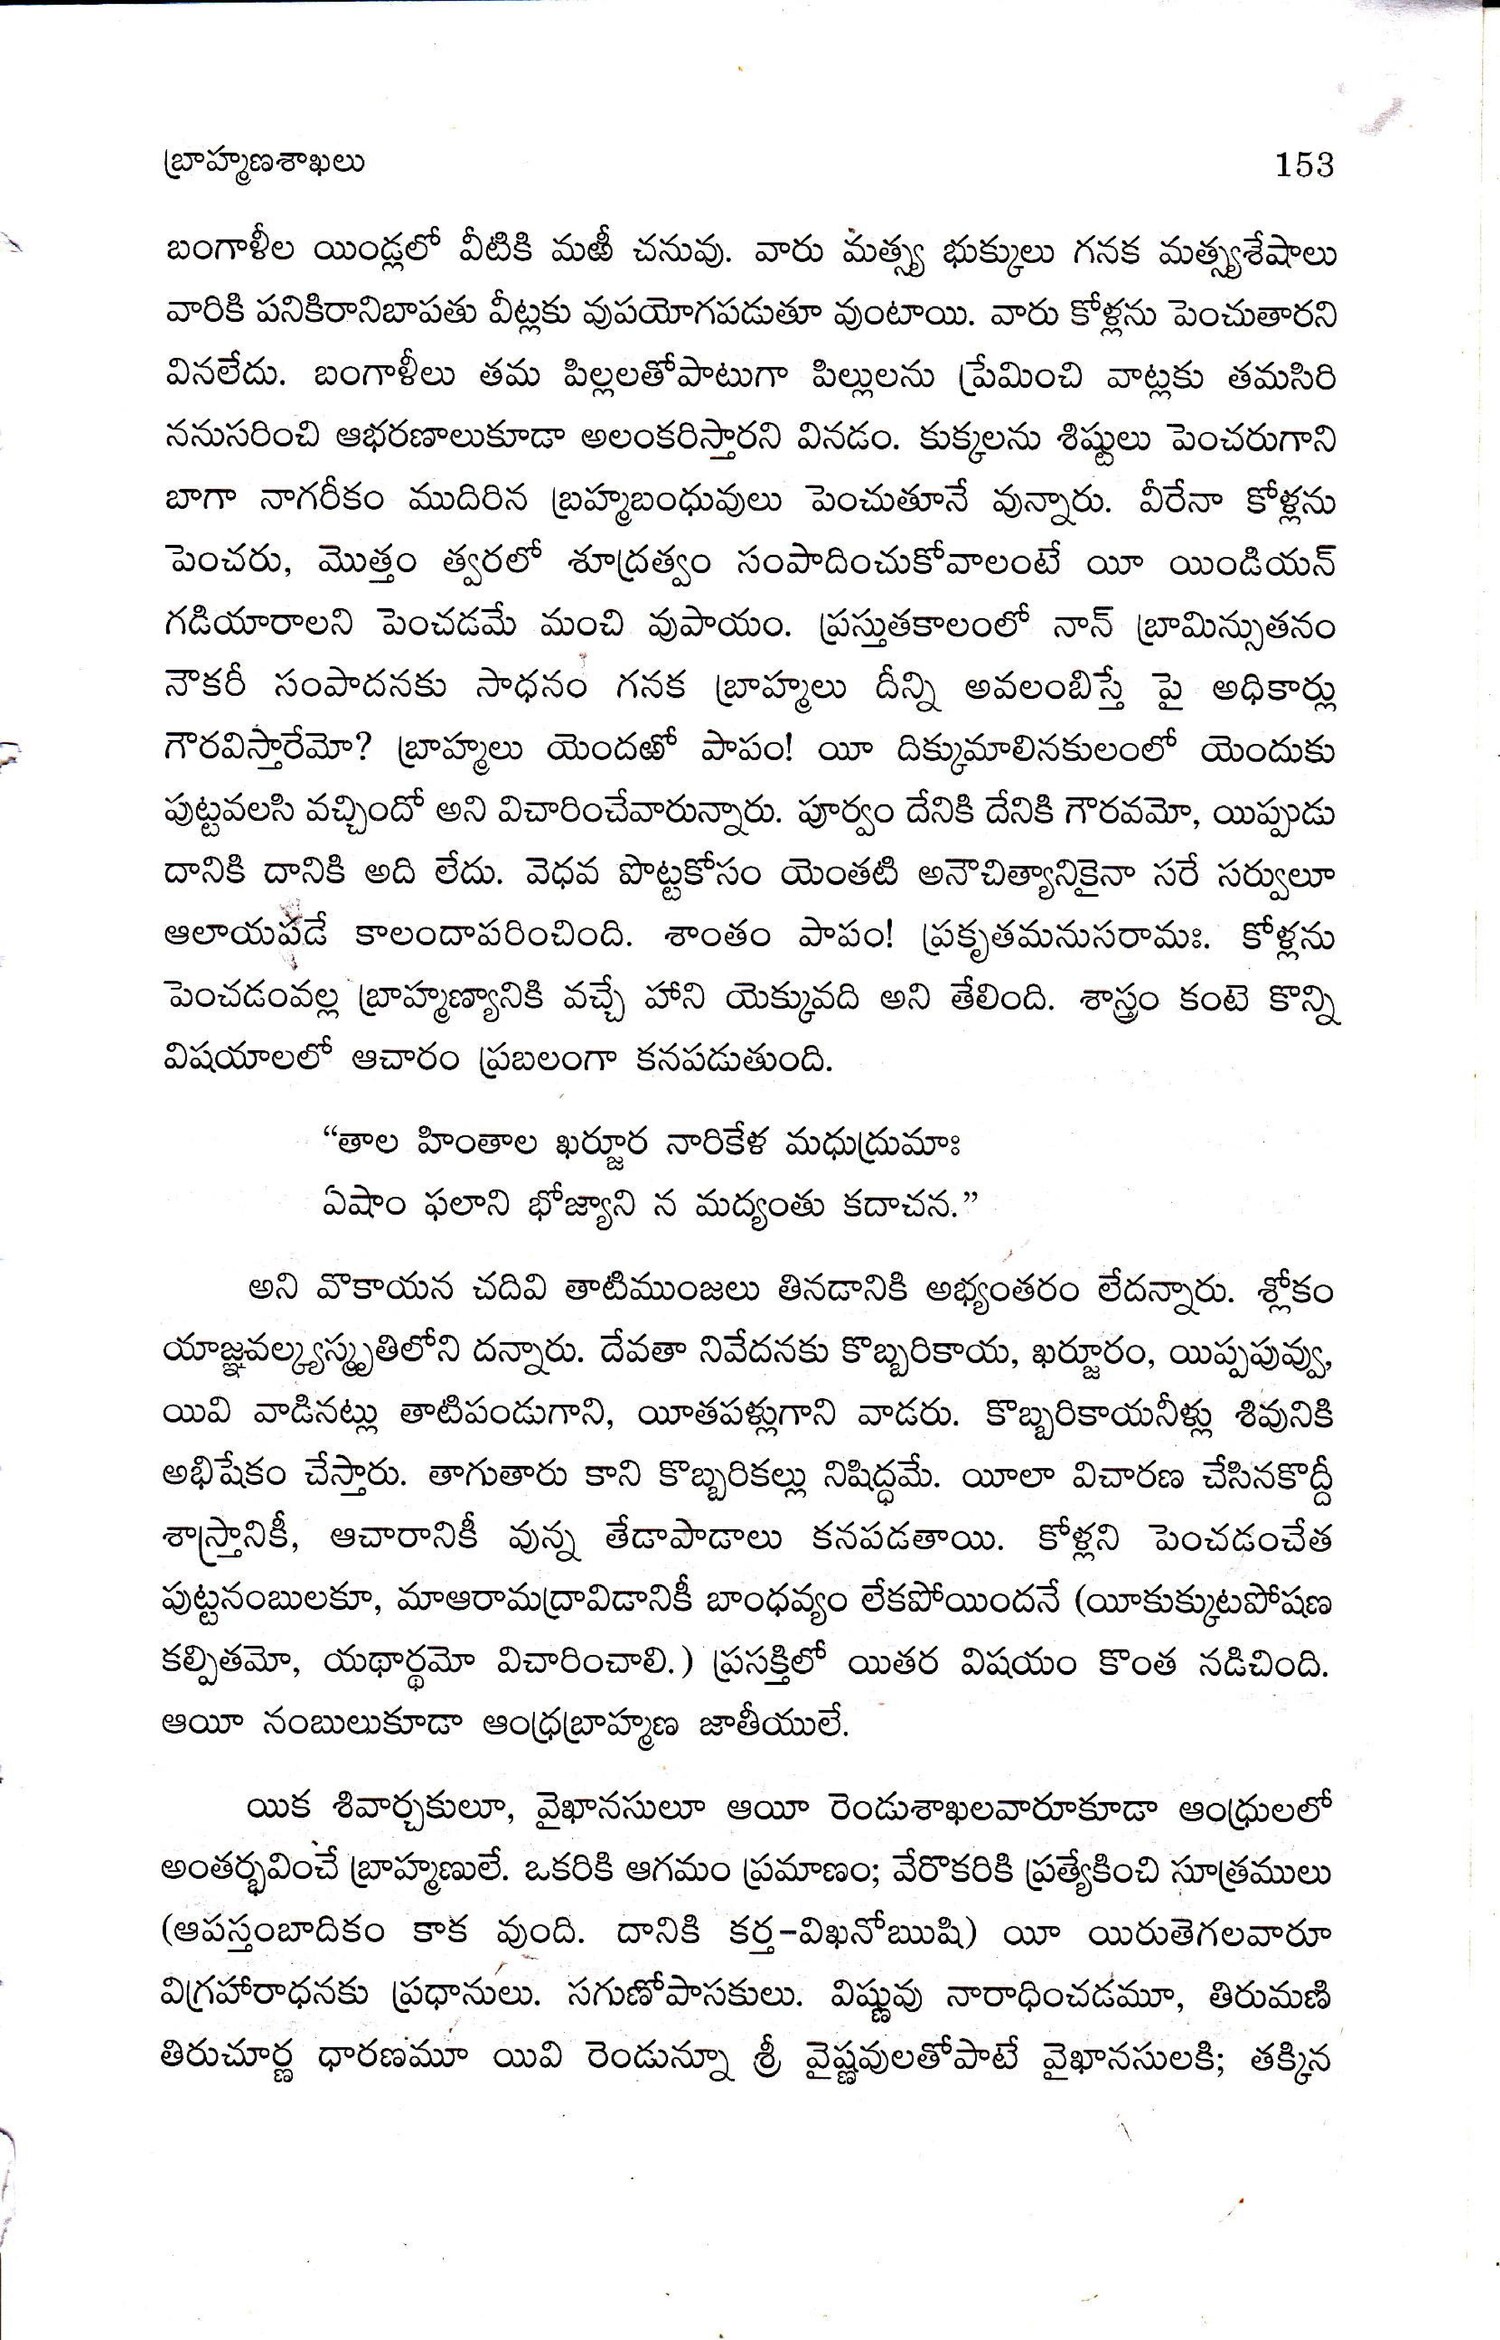బంగాళీల యిండ్లలో వీటికి మఱీ చనువు. వారు మత్స్య భుక్కులు గనక మత్స్యశేషాలు వారికి పనికిరానిబాపతు వీట్లకు వుపయోగపడుతూ వుంటాయి. వారు కోళ్లను పెంచుతారని వినలేదు. బంగాళీలు తమ పిల్లలతోపాటుగా పిల్లులను ప్రేమించి వాట్లకు తమసిరి ననుసరించి ఆభరణాలుకూడా అలంకరిస్తారని వినడం. కుక్కలను శిష్టులు పెంచరుగాని బాగా నాగరీకం ముదిరిన బ్రహ్మబంధువులు పెంచుతూనే వున్నారు. వీరేనా కోళ్లను పెంచరు, మొత్తం త్వరలో శూద్రత్వం సంపాదించుకోవాలంటే యీ యిండియన్ గడియారాలని పెంచడమే మంచి వుపాయం. ప్రస్తుతకాలంలో నాన్ బ్రామిన్సుతనం నౌకరీ సంపాదనకు సాధనం గనక బ్రాహ్మలు దీన్ని అవలంబిస్తే పై అధికార్లు గౌరవిస్తారేమో? బ్రాహ్మలు యెందఱో పాపం! యీ దిక్కుమాలినకులంలో యెందుకు పుట్టవలసి వచ్చిందో అని విచారించేవారున్నారు. పూర్వం దేనికి దేనికి గౌరవమో, యిప్పుడు దానికి దానికి అది లేదు. వెధవ పొట్టకోసం యెంతటి అనౌచిత్యానికైనా సరే సర్వులూ ఆలాయపడే కాలందాపరించింది. శాంతం పాపం! ప్రకృతమనుసరామః. కోళ్లను పెంచడంవల్ల బ్రాహ్మణ్యానికి వచ్చే హాని యెక్కువది అని తేలింది. శాస్త్రం కంటె కొన్ని విషయాలలో ఆచారం ప్రబలంగా కనపడుతుంది.

“తాల హింతాల ఖర్జూర నారికేళ మధుద్రుమాః 
 ఏషాం ఫలాని భోజ్యాని న మద్యంతు కదాచన."
అని వొకాయన చదివి తాటిముంజలు తినడానికి అభ్యంతరం లేదన్నారు. శ్లోకం యాజ్ఞవల్క్యస్కృతిలోని దన్నారు. దేవతా నివేదనకు కొబ్బరికాయ, ఖర్జూరం, యిప్పపువ్వు, యివి వాడినట్లు తాటిపండుగాని, యీతపళ్లుగాని వాడరు. కొబ్బరికాయనీళ్లు శివునికి అభిషేకం చేస్తారు. తాగుతారు కాని కొబ్బరికల్లు నిషిద్ధమే. యీలా విచారణ చేసినకొద్దీ శాస్తానికీ, ఆచారానికీ వున్న తేడాపాడాలు కనపడతాయి. కోళ్లని పెంచడంచేత పుట్టనంబులకూ, మాఆరామద్రావిడానికీ బాంధవ్యం లేకపోయిందనే (యీకుక్కుటపోషణ కల్పితమో, యథార్ధమో విచారించాలి.) ప్రసక్తిలో యితర విషయం కొంత నడిచింది. ఆయీ నంబులుకూడా ఆంధ్రభ్రాహ్మణ జాతీయులే.

యిక శివార్చకులూ, వైఖానసులూ ఆయీ రెండుశాఖలవారూకూడా ఆంధ్రులలో అంతర్భవించే బ్రాహ్మణులే. ఒకరికి ఆగమం ప్రమాణం; వేరొకరికి ప్రత్యేకించి సూత్రములు (ఆపస్తంబాదికం కాక వుంది. దానికి కర్త-విఖనోఋషి) యీ యిరుతెగలవారూ విగ్రహారాధనకు ప్రధానులు. సగుణోపాసకులు. విష్ణువు నారాధించడమూ, తిరుమణి తిరుచూర్ణ ధారణమూ యివి రెండున్నూ శ్రీ వైష్ణవులతోపాటే వైఖానసులకి; తక్కిన